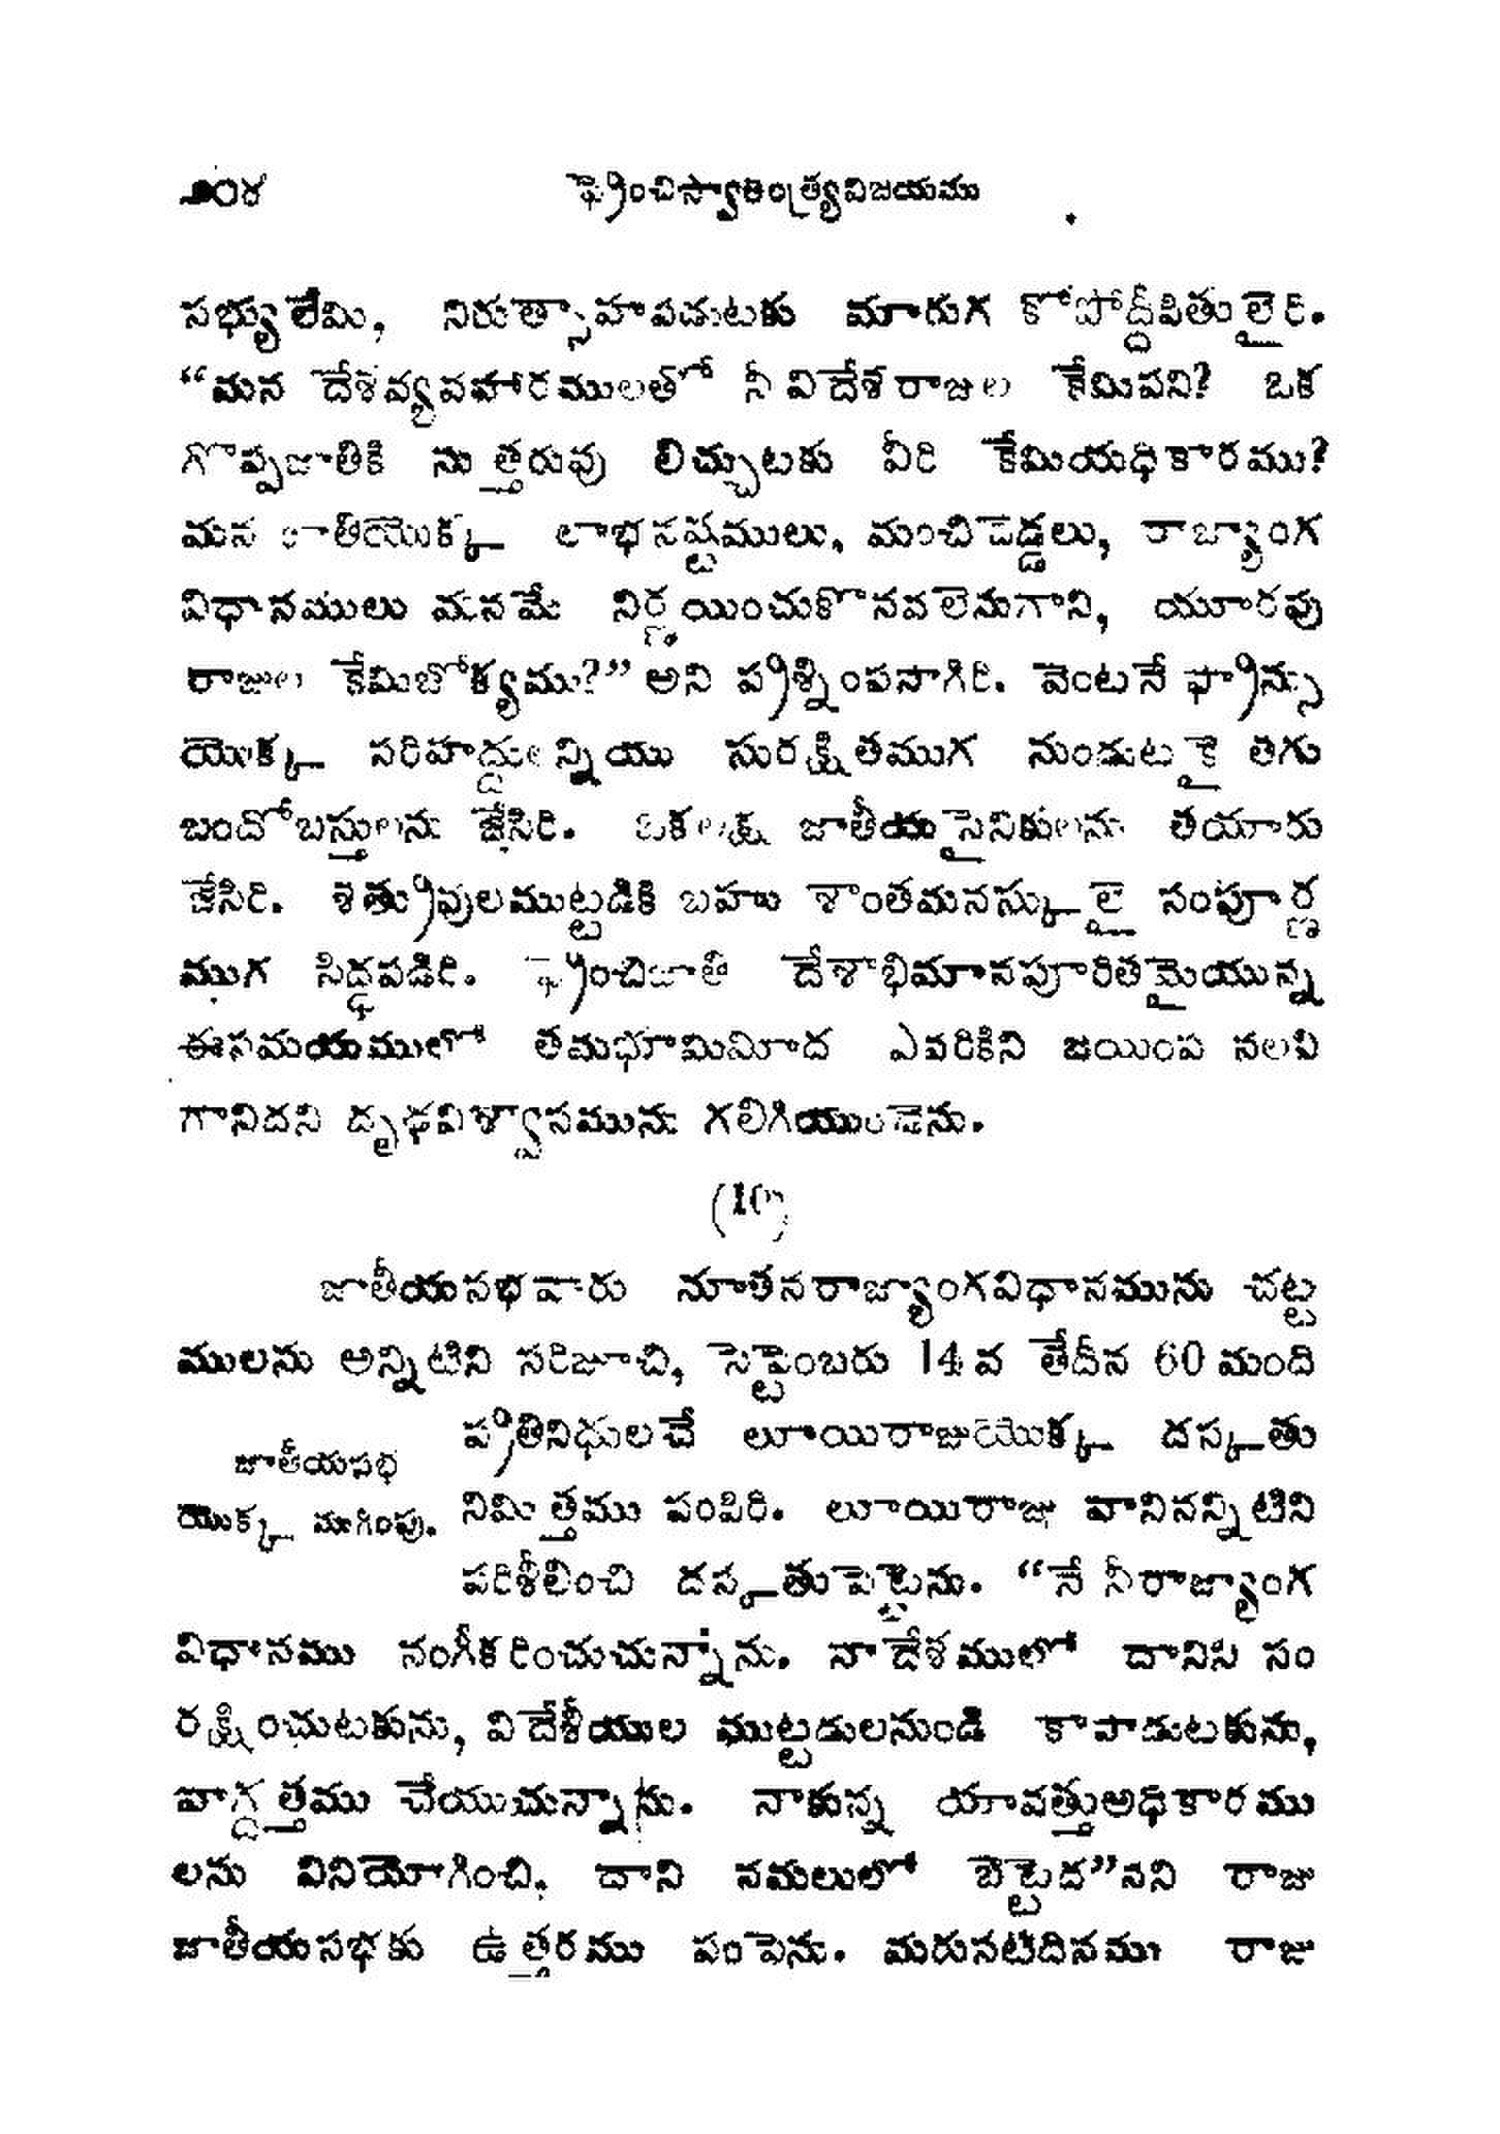రాజులు
సభ్యు లేమి, నిరుత్సాహపడుటకు మారుగ కోపోద్దీపితు లైరి.
“మన దేశ వ్యవహారములతో నీ విదేశ రాజలు కేమిపని? ఒక
గొప్పజాతికి సుత్తరువు లిచ్చుటకు వీరి కేమియధి కారము?
మనజాతి యొక్క లాభ నష్టములు, మంచి చెడ్డలు, రాజ్యాంగ
విధానములు మనమే నిర్ణం యించుకొనవలెనుగాని, యూరపు
కేమిజోక్యము?” అని ప్రశ్నింపసాగిరి. వెంటనే ఫ్రాన్సు
యొక్క సరిహద్దు లన్నియు సురక్షితముగ నుండుటకై తగు
బందోబస్తును జేసిరి. ఒక లక్షజాతీయ సైనికులను తయారు
జేసిరి. శత్రువుల ముట్టడికి బహు శాంతమనస్కులై సంపూర్ణ
ముగ సిద్ధపడిరి. ఫ్రెంచి జాతి దేశాభిమానపూరిత మైయున్న
ఈ సమయములో తమభూమిమీద ఎవరికిని జయింప నలవి
గానిదని దృఢవిశ్వాసమును గలిగియుండెను.

10
జూతీయసభ
యొక్క ముగింపు.

జాతీయసభవారు నూతన రాజ్యాంగ విధానమును చట్ట
ములను అన్ని టిని సరిజూచి, సెప్టెంబరు 14వ తేదీన 60 మంది
ప్రతినిధులచే లూయిరాజు యొక్క దస్కతు
నిమిత్తము పంపిరి. లూయి రాజు వానినన్నిటిని
పరిశీలించి దస్కతు పెట్టెను. "నే నీ రాజ్యాంగ
విధానము నంగీక రించుచున్నాను. నా దేశములో దానికి సం
రక్షించుటకును, విదేశీయుల ముట్టడులనుండి కాపాడుటకును,
వాగ్దదత్తము చేయుచున్నాను నాకున్న యావత్తు అధికారము
లను వినియోగించి, దాని నమలులో బెట్టెద"నని రాజు
జాతీయ సభకు ఉత్తరము పంపెను. మరుసటిదినము రాజు